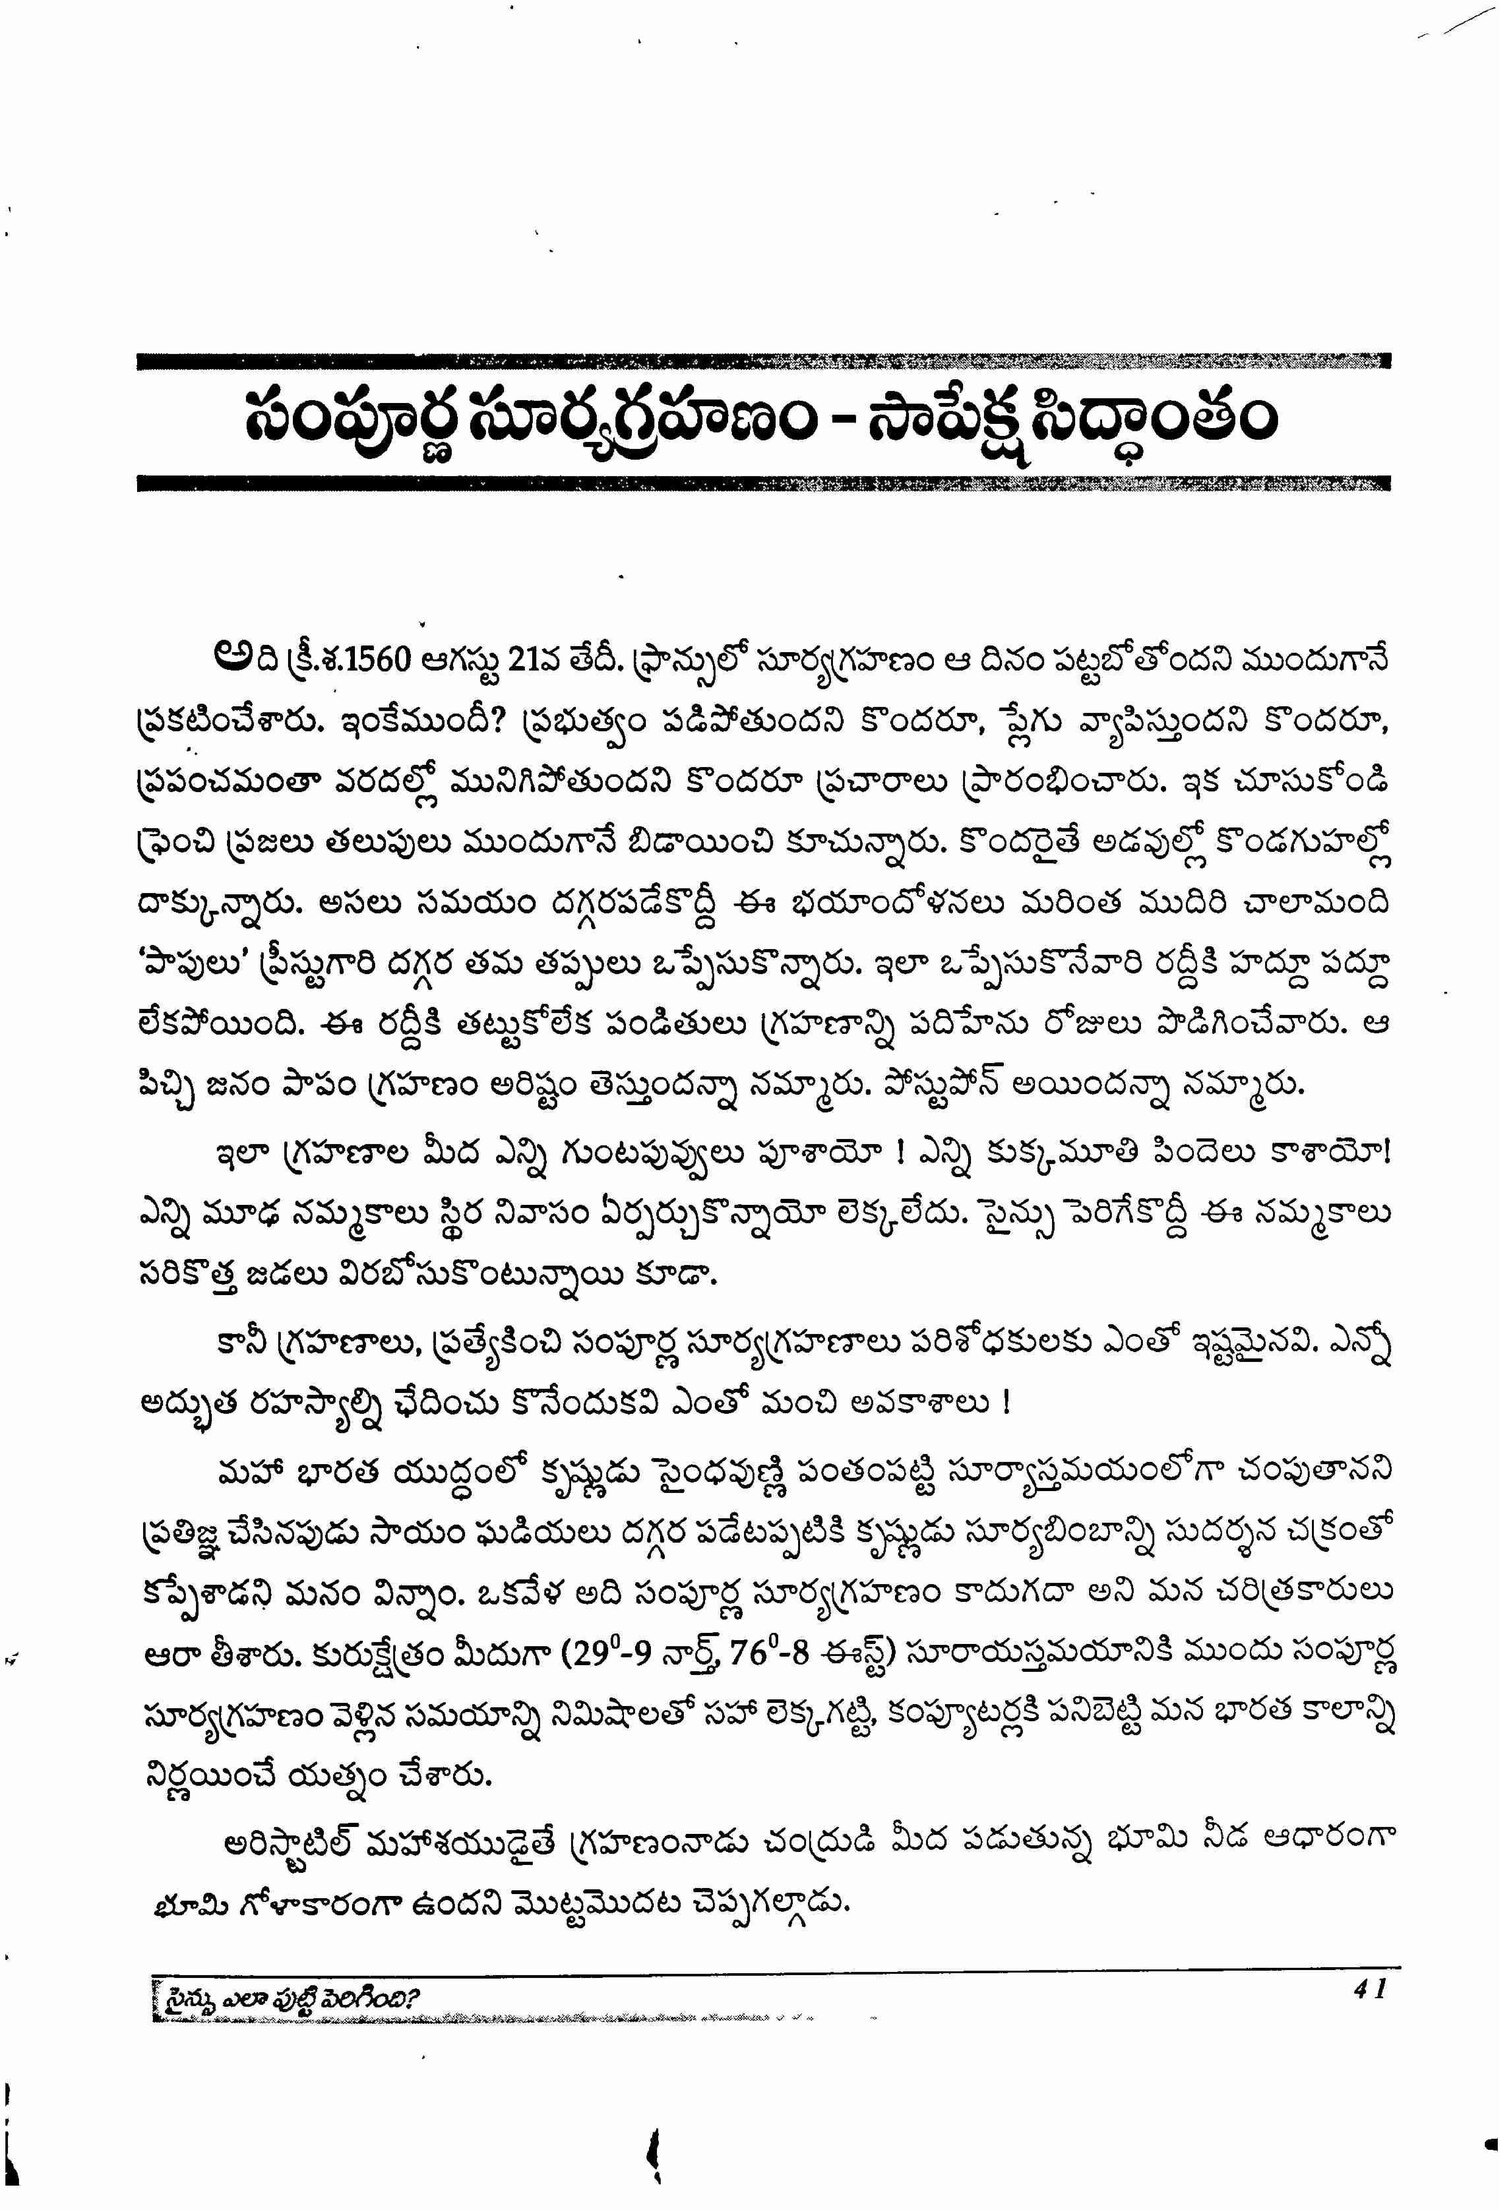సంపూర్ణ సూర్యగ్రహణం - సాపేక్ష సిద్ధాంతం

అది క్రీ.శ.1560 ఆగస్టు 21వ తేదీ. ఫ్రాన్సులో సూర్యగ్రహణం ఆ దినం పట్టబోతోందని ముందుగానే ప్రకటించేశారు. ఇంకేముందీ? ప్రభుత్వం పడిపోతుందని కొందరూ, ప్లేగు వ్యాపిస్తుందని కొందరూ, ప్రపంచమంతా వరదల్లో మునిగిపోతుందని కొందరూ ప్రచారాలు ప్రారంభించారు. ఇక చూసుకోండి ఫ్రెంచి ప్రజలు తలుపులు ముందుగానే బిడాయించి కూచున్నారు. కొందరైతే అడవుల్లో కొండగుహల్లో దాక్కున్నారు. అసలు సమయం దగ్గరపడేకొద్దీ ఈ భయాందోళనలు మరింత ముదిరి చాలామంది 'పాపులు' ప్రీస్టుగారి దగ్గర తమ తప్పులు ఒప్పేసుకొన్నారు. ఇలా ఒప్పేసుకొనేవారి రద్దీకి హద్దూ పద్దూ లేకపోయింది. ఈ రద్దీకి తట్టుకోలేక పండితులు గ్రహణాన్ని పదిహేను రోజులు పొడిగించేవారు. ఆ పిచ్చి జనం పాపం గ్రహణం అరిష్టం తెస్తుందన్నా నమ్మారు. పోస్టుపోన్ అయిందన్నా నమ్మారు.

ఇలా గ్రహణాల మీద ఎన్ని గుంటపువ్వులు పూశాయో ! ఎన్ని కుక్కమూతి పిందెలు కాశాయో! ఎన్ని మూఢ నమ్మకాలు స్థిర నివాసం ఏర్పర్చుకొన్నాయో లెక్కలేదు. సైన్సు పెరిగేకొద్దీ ఈ నమ్మకాలు సరికొత్త జడలు విరబోసుకొంటున్నాయి కూడా.

కానీ గ్రహణాలు, ప్రత్యేకించి సంపూర్ణ సూర్యగ్రహణాలు పరిశోధకులకు ఎంతో ఇష్టమైనవి. ఎన్నో అద్భుత రహస్యాల్ని ఛేదించు కొనేందుకవి ఎంతో మంచి అవకాశాలు !

మహా భారత యుద్ధంలో కృష్ణుడు సైంధవుణ్ణి పంతంపట్టి సూర్యాస్తమయంలోగా చంపుతానని ప్రతిజ్ఞ చేసినపుడు సాయం ఘడియలు దగ్గర పడేటప్పటికి కృష్ణుడు సూర్యబింబాన్ని సుదర్శన చక్రంతో కప్పేశాడని మనం విన్నాం. ఒకవేళ అది సంపూర్ణ సూర్యగ్రహణం కాదుగదా అని మన చరిత్రకారులు ఆరా తీశారు. కురుక్షేత్రం మీదుగా (290-9 నార్త్, 76°-8 ఈస్ట్) సూరాయస్తమయానికి ముందు సంపూర్ణ సూర్యగ్రహణం వెళ్లిన సమయాన్ని నిమిషాలతో సహా లెక్కగట్టి, కంప్యూటర్లకి పనిబెట్టి మన భారత కాలాన్ని నిర్ణయించే యత్నం చేశారు.

అరిస్టాటిల్ మహాశయుడైతే గ్రహణంనాడు చంద్రుడి మీద పడుతున్న భూమి నీడ ఆధారంగా భూమి గోళాకారంగా ఉందని మొట్టమొదట చెప్పగల్గాడు.